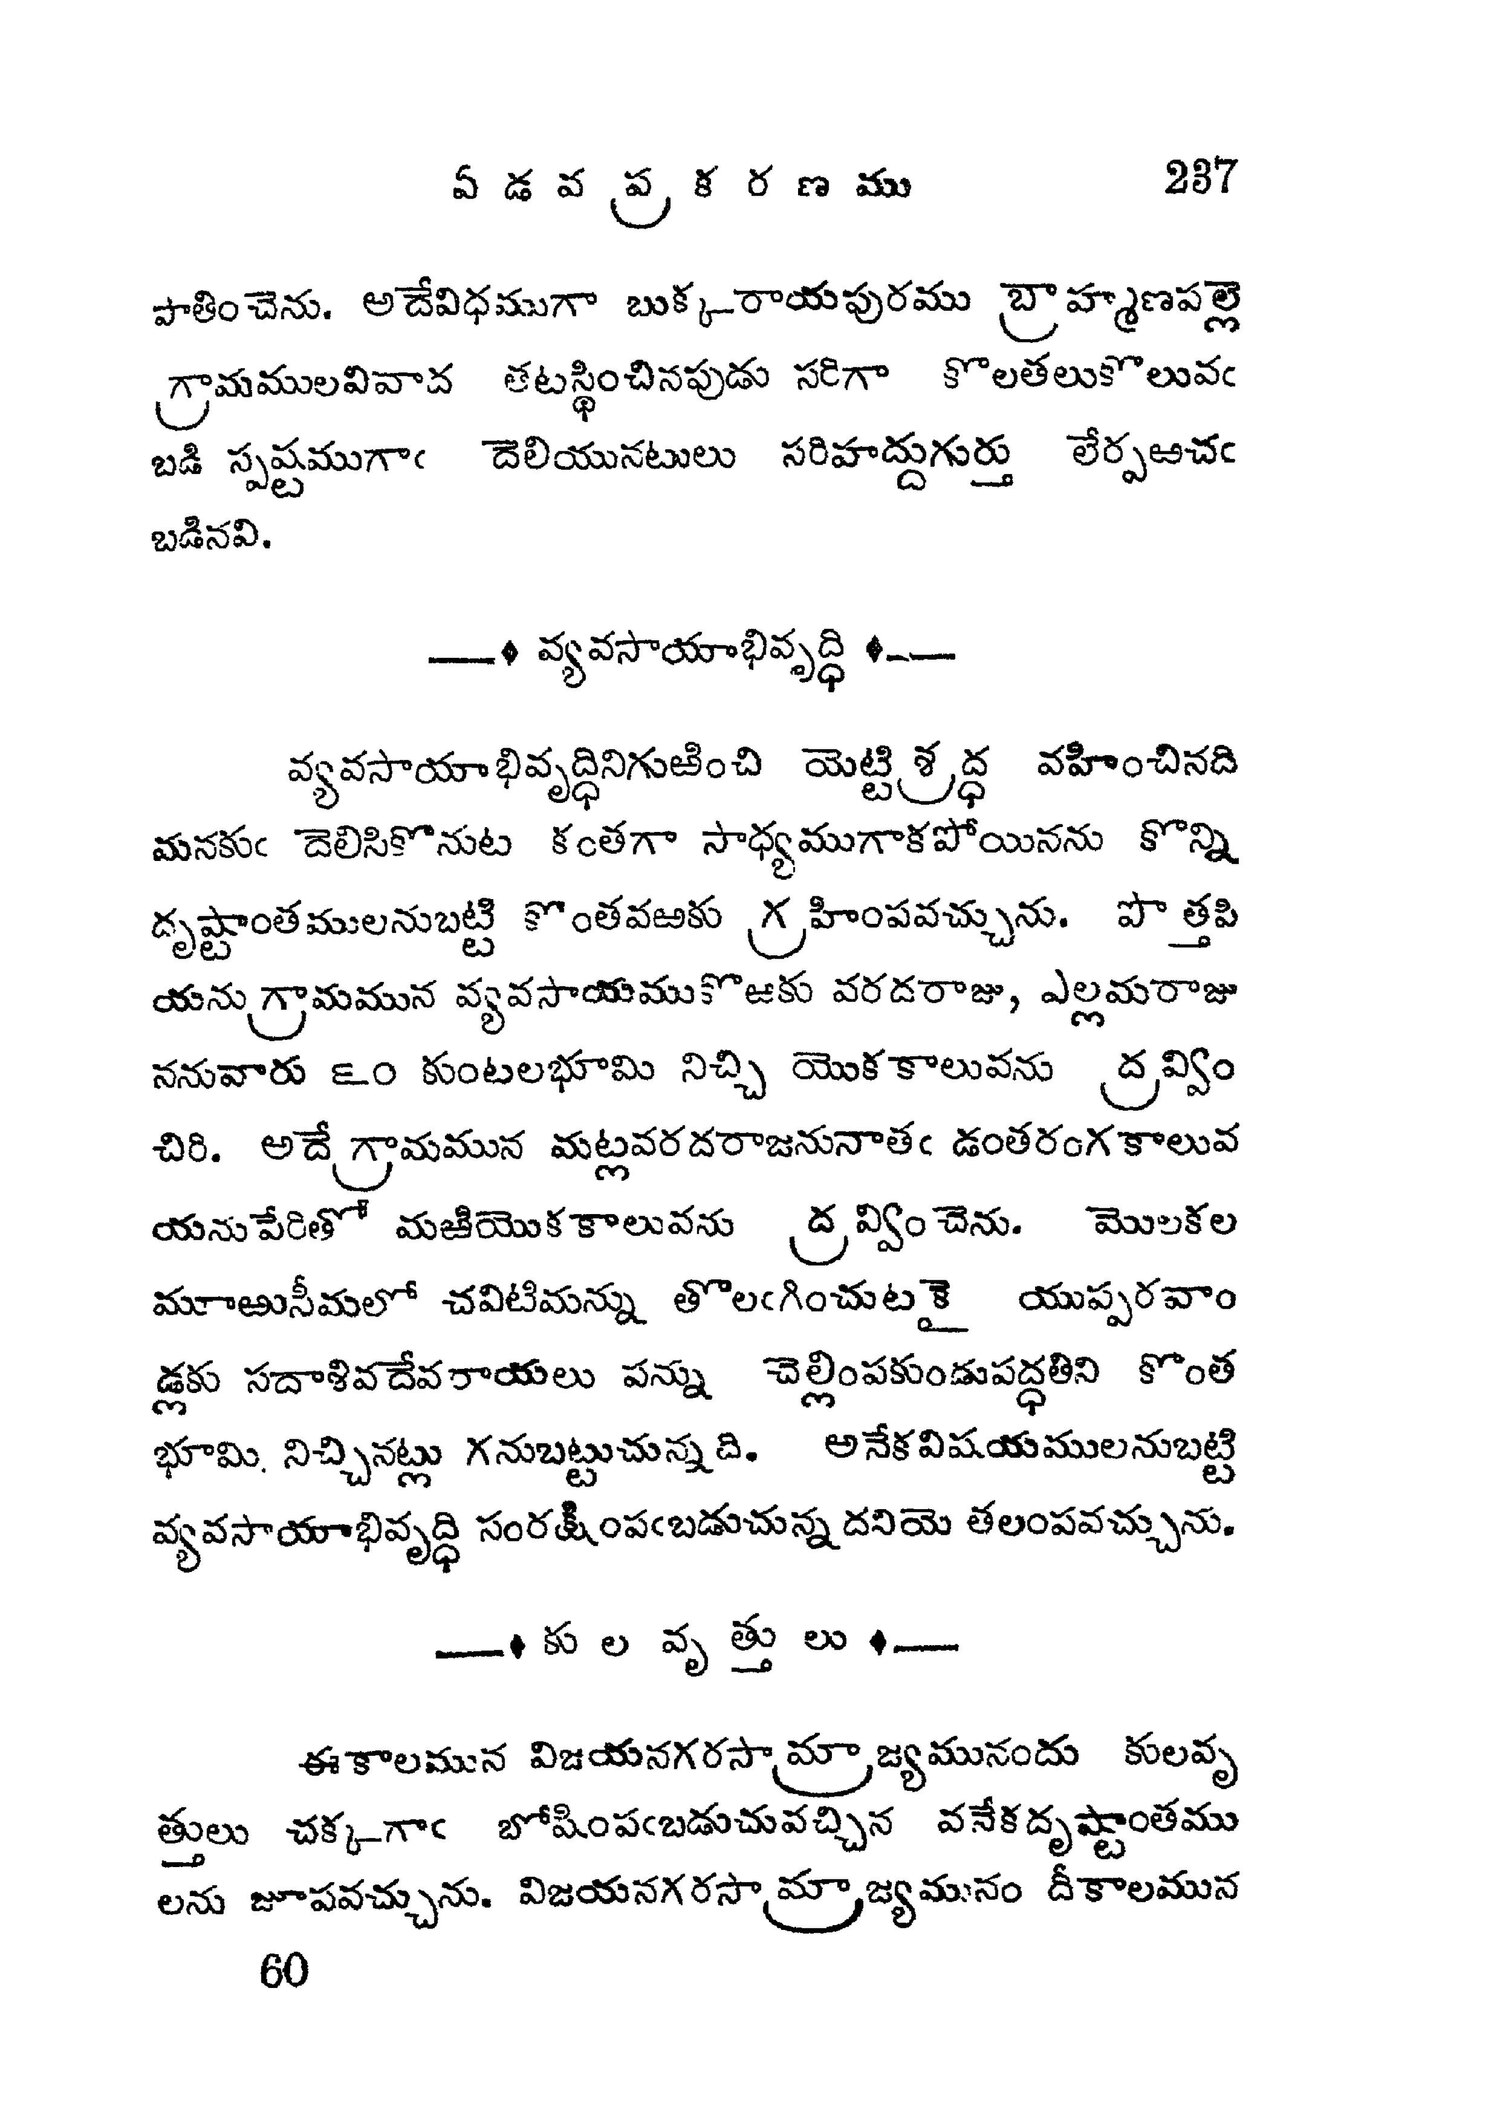పాతించెను. అదేవిధముగా బుక్కరాయపురము బ్రాహ్మణపల్లె గ్రామములవివాద తటస్థించినపుడు సరిగా కొలతలుకొలువబడి స్పష్టముగా దెలియునటులు సరిహద్దుగుర్తు లేర్పఱచబడినవి.

వ్యవసాయాభివృద్ధినిగుఱించి యెట్టిశ్రద్ధ వహించినది మనకు దెలిసికొనుట కంతగా సాధ్యముగాక పోయినను కొన్ని దృష్టాంతములనుబట్టి కొంతవఱకు గ్రహింపవచ్చును. పొత్తపియనుగ్రామమున వ్యవసాయముకొఱకు వరదరాజు, ఎల్లమరాజు ననువారు 60 కుంటలభూమి నిచ్చి యొకకాలువను ద్రవ్వించిరి. అదేగ్రామమున మట్లవరదరాజనునాత డంతరంగకాలువ యనుపేరితో మఱియొకకాలువను ద్రవ్వించెను. మొలకలమూఱుసీమలో చవిటిమన్ను తొలగించుటకై యుప్పరవాంద్లకు సదాశివదేవ రాయలు పన్ను చెల్లింపకుండుపద్ధతిని కొంతభూమి నిచ్చినట్లు గనుబట్టుచున్నది. అనేకవిషయములను బట్టి వ్యవసాయాభివృద్ధి సంరక్షింపబడుచున్నదనియె తలంపవచ్చును.

ఈకాలమున విజయనగరసామ్రాజ్యమునందు కులవృత్తులు చక్కగా బోషింపబడుచువచ్చిన వనేకదృష్టాంతములను జూపవచ్చును. విజయనగరసామ్రాజ్యమునం దీకాలమున